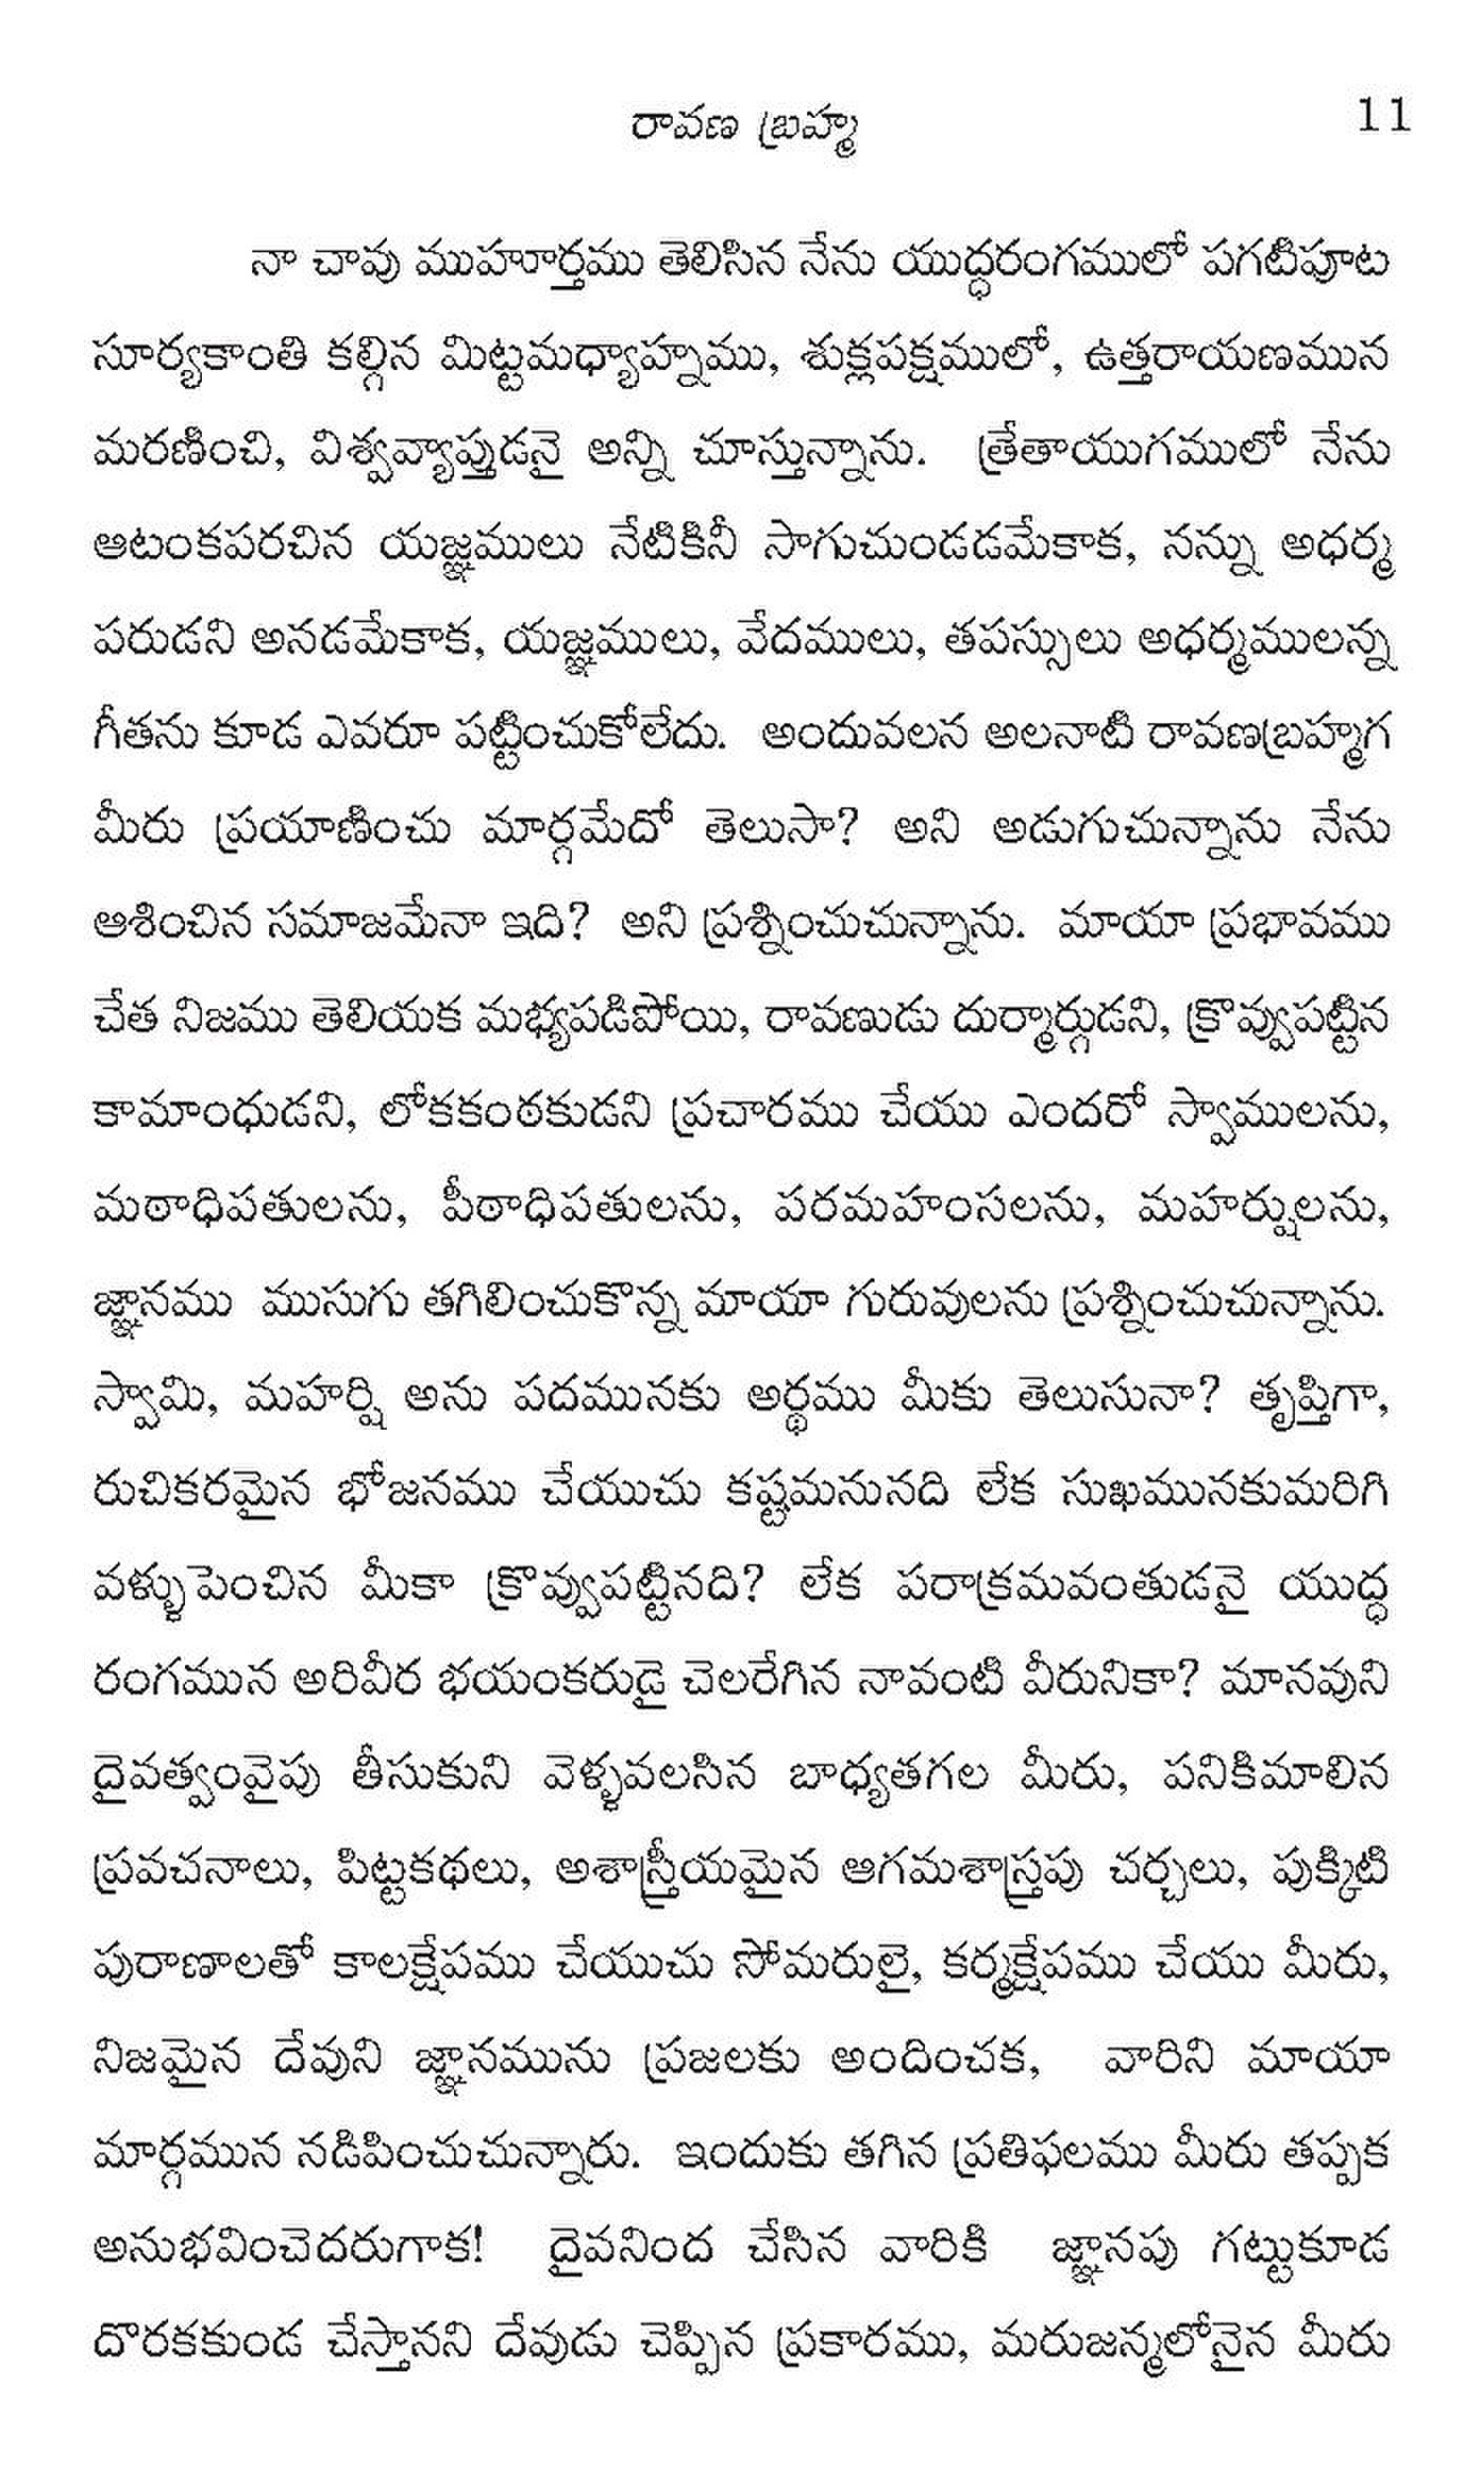నా చావు ముహూర్తము తెలిసిన నేను యుద్ధరంగములో పగటిపూట సూర్యకాంతి కల్గిన మిట్టమధ్యాహ్నము, శుక్లపక్షములో, ఉత్తరాయణమున మరణించి, విశ్వవ్యాప్తుడనై అన్ని చూస్తున్నాను. త్రేతాయుగములో నేను ఆటంకపరచిన యజ్ఞములు నేటికినీ సాగుచుండడమేకాక, నన్ను అధర్మ పరుడని అనడమేకాక, యజ్ఞములు, వేదములు, తపస్సులు అధర్మములన్న గీతను కూడ ఎవరూ పట్టించుకోలేదు. అందువలన అలనాటి రావణబ్రహ్మగ మీరు ప్రయాణించు మార్గమేదో తెలుసా? అని అడుగుచున్నాను నేను ఆశించిన సమాజమేనా ఇది? అని ప్రశ్నించుచున్నాను. మాయా ప్రభావము చేత నిజము తెలియక మభ్యపడిపోయి, రావణుడు దుర్మార్గుడని, క్రొవ్వుపట్టిన కామాంధుడని, లోకకంఠకుడని ప్రచారము చేయు ఎందరో స్వాములను, మఠాధిపతులను, పీఠాధిపతులను, పరమహంసలను, మహర్షులను, జ్ఞానము ముసుగు తగిలించుకొన్న మాయా గురువులను ప్రశ్నించుచున్నాను. స్వామి, మహర్షి అను పదమునకు అర్థము మీకు తెలుసునా? తృప్తిగా, రుచికరమైన భోజనము చేయుచు కష్టమనునది లేక సుఖమునకుమరిగి వళ్ళుపెంచిన మీకా క్రొవ్వుపట్టినది? లేక పరాక్రమవంతుడనై యుద్ధ రంగమున అరివీర భయంకరుడై చెలరేగిన నావంటి వీరునికా? మానవుని దైవత్వంవైపు తీసుకుని వెళ్ళవలసిన బాధ్యతగల మీరు, పనికిమాలిన ప్రవచనాలు, పిట్టకథలు, అశాస్త్రీయమైన ఆగమశాస్త్రపు చర్చలు, పుక్కిటి పురాణాలతో కాలక్షేపము చేయుచు సోమరులై, కర్మక్షేపము చేయు మీరు, నిజమైన దేవుని జ్ఞానమును ప్రజలకు అందించక, వారిని మాయా మార్గమున నడిపించుచున్నారు. ఇందుకు తగిన ప్రతిఫలము మీరు తప్పక అనుభవించెదరుగాక! దైవనింద చేసిన వారికి జ్ఞానపు గట్టుకూడ దొరకకుండ చేస్తానని దేవుడు చెప్పిన ప్రకారము, మరుజన్మలోనైన మీరు